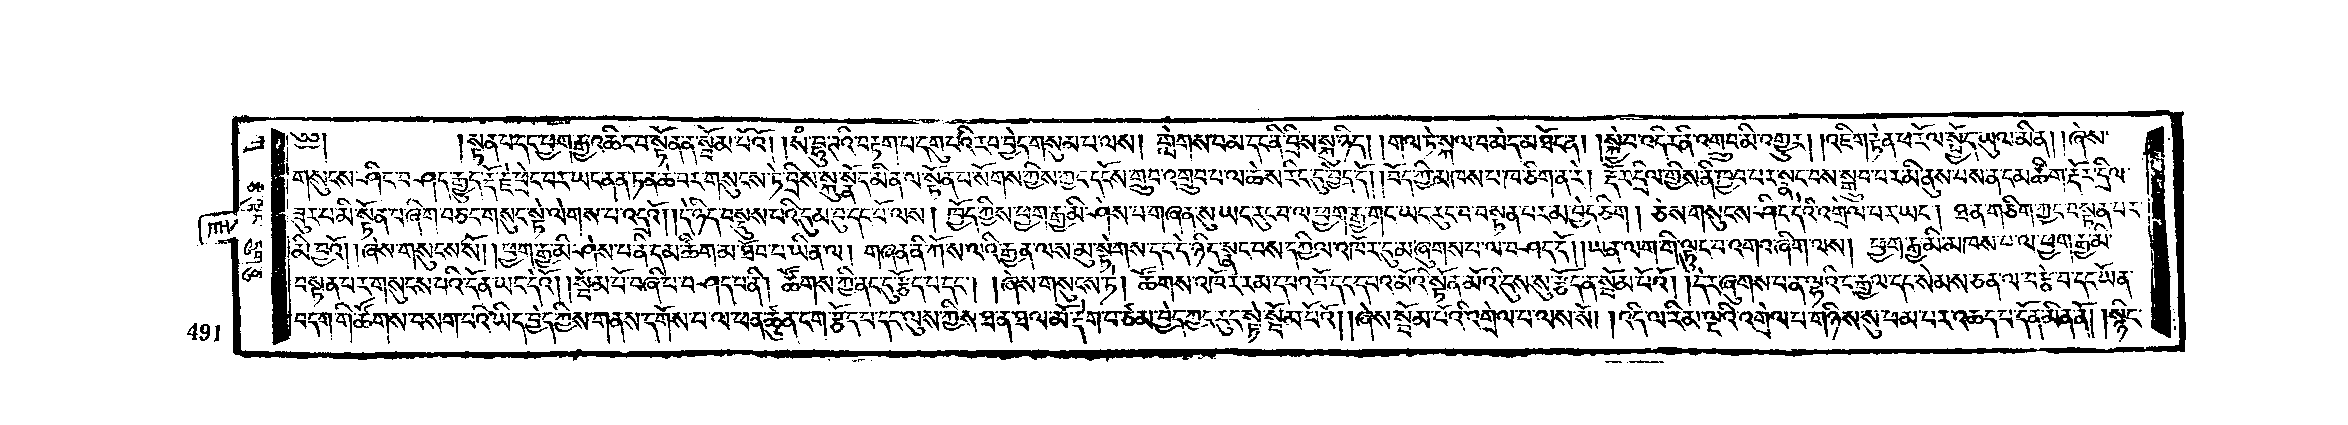༄༅། །སྟན་པ་དང་ཕྱག་རྒྱ་འཆིང་བ་སྟོན་ན་སྦོམ་པོའོ། །སཾ་བྷུ་ཊའི་བརྟག་པ་དགུ་པའི་རབ་བྱེད་གསུམ་པ་ལས། གླེགས་བམ་དང་ནི་བྲིས་སྐུ་ཉིད། །གལ་ཏེ་སྐལ་བ་མེད་མཐོང་ན། །སྐྱེ་བ་འདིར་ནི་འགྲུབ་མི་འགྱུར། །འཇིག་རྟེན་ཕ་རོལ་སྤྱོད་ཡུལ་མིན། །ཞེས་
གསུངས་ཤིང་བཤད་རྒྱུད་རྡོ་རྗེ་ཕྲེང་བར་ཡང་ནན་ཏན་ཆེ་བར་གསུངས་ཏེ་བྲིས་སྐུ་སྣོད་མིན་ལ་སྟོན་པ་སོགས་ཀྱིས་ཀྱང་དངོས་གྲུབ་འགྲུབ་པ་ལ་ཆེས་རིང་དུ་བྱེད་དོ། །བོད་ཀྱི་མཁས་པ་ཁ་ཅིག་ན་རེ། རྡོར་དྲིལ་གྱིས་ནི་ཁྱབ་པར་སྣང་བས་སྒྲུབ་པར་མི་ནུས་པས་ན་དམ་ཚིག་རྡོར་དྲིལ་
ཟུར་པ་མི་སྟོན་པ་ཞིག་བཅང་གསུང་སྟེ་ལེགས་པ་འདྲའོ། །དེ་ཉིད་བསྡུས་པའི་དུམ་བུ་དང་པོ་ལས། ཁྱོད་ཀྱིས་ཕྱག་རྒྱ་མི་ཤེས་པ་གཞན་སུ་ཡང་རུང་བ་ལ་ཕྱག་རྒྱ་གང་ཡང་རུང་བ་བསྟན་པར་མ་བྱེད་ཅིག །ཅེས་གསུངས་ཤིང་དེའི་འགྲེལ་པར་ཡང་། ཐ་ན་གཅིག་ཀྱང་བསྟན་པར་
མི་བྱའོ། །ཞེས་གསུངས་སོ། །ཕྱག་རྒྱ་མི་ཤེས་པ་ནི་དམ་ཚིག་མ་ཐོབ་པ་ཡིན་ལ། གཞན་ནི་ཀོ་ས་ལའི་རྒྱན་ལས་མུ་སྟེགས་དང་དེ་ཉིད་སྣང་བས་དཀྱིལ་འཁོར་དུ་མ་ཞུགས་པ་ལ་བཤད་དོ། །ཡན་ལག་གི་ལྟུང་བ་འགའ་ཞིག་ལས། ཕྱག་རྒྱ་མི་མཁས་པ་ལ་ཕྱག་རྒྱ་མི་
བསྟན་པར་གསུངས་པའི་དོན་ཡང་དེའོ། །སྦོམ་པོ་བཞི་པ་བཤད་པ་ནི། ཚོགས་ཀྱི་ནང་དུ་རྩོད་པ་དང་། །ཞེས་གསུངས་ཏེ། ཚོགས་འཁོར་རམ་དཔའ་བོ་དང་དཔའ་མོའི་སྟོན་མོའི་དུས་སུ་རྩོད་ན་སྦོམ་པོའོ། །དེར་ཞུགས་པ་ན་ལྷའི་ང་རྒྱལ་དང་སེམས་ཅན་ལ་བརྩེ་བ་དང་ཡོན་
བདག་གི་ཚོགས་བསགས་པའི་ཡིད་བྱེད་ཀྱིས་གནས་དགོས་པ་ལ་ཕན་ཚུན་ངག་རྩོད་པ་དང་ལུས་ཀྱིས་ཐ་ན་ཐལ་མོ་རྡེག་པ་ཙམ་བྱེད་ཀྱང་རུང་སྟེ་སྦོམ་པོའོ། །ཞེས་སྦོམ་པོའི་འགྲེལ་པ་ལས་སོ། །འདི་ལ་རིམ་ལྔའི་འགྲེལ་པ་གཉིས་སུ་ཕམ་པར་འཆད་པ་དོན་མིན་ནོ། །སྙིང་